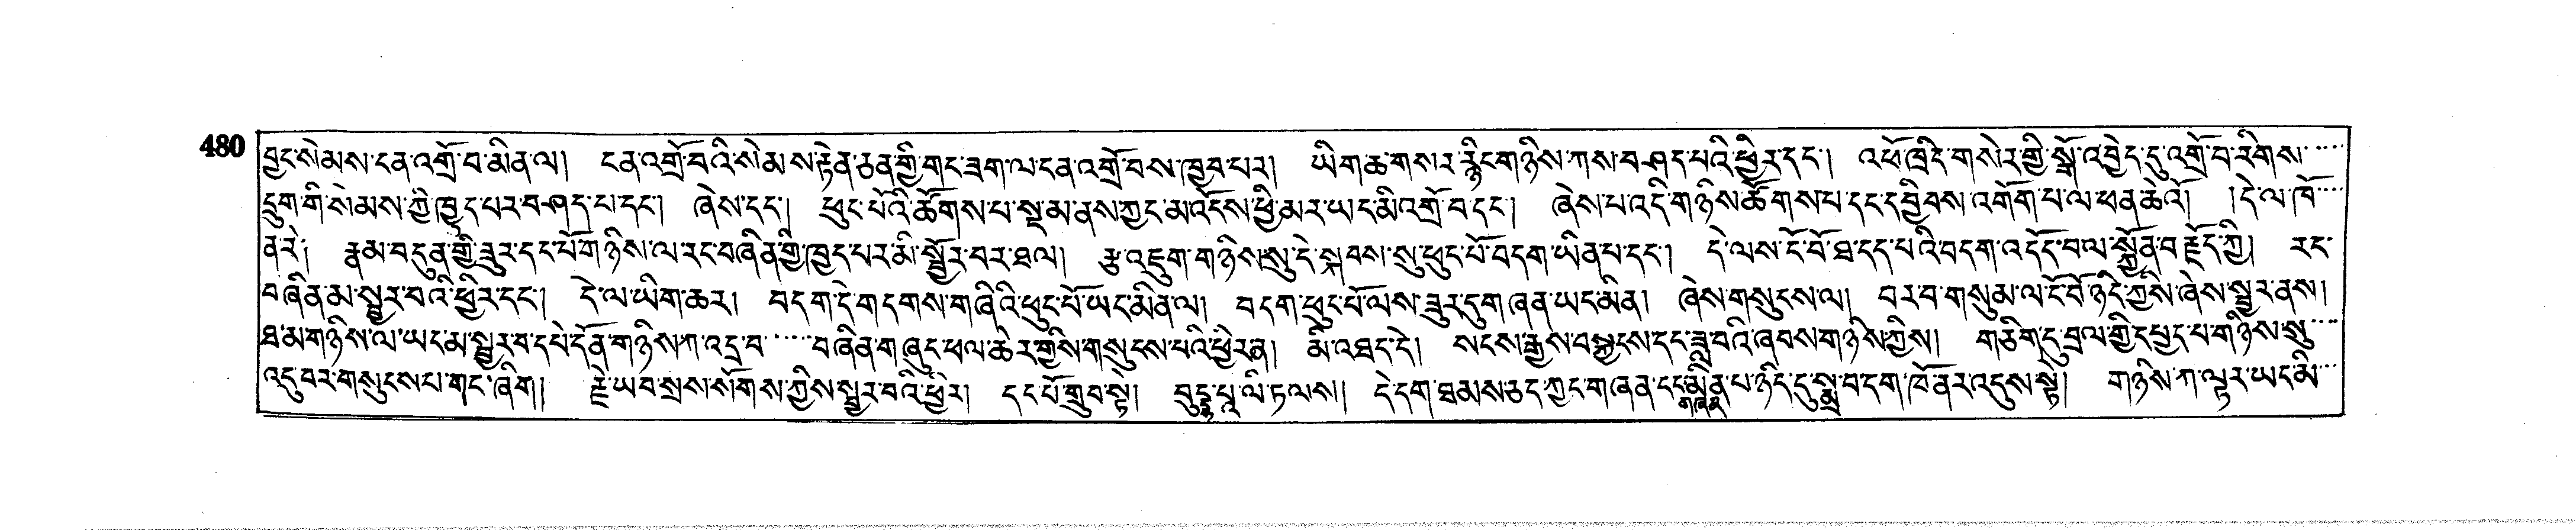བྱང་སེམས་ངན་འགྲོ་བ་མིན་ལ། ངན་འགྲོ་བའི་སེམས་རྟེན་ཅན་གྱི་གང་ཟག་ལ་ངན་འགྲོ་བས་ཁྱབ་པར། ཡིག་ཆ་གསར་རྙིང་གཉིས་ཀས་བཤད་པའི་ཕྱིར་དང་། འཕོ་ཁྲིད་གསེར་གྱི་སྒོ་འབྱེད་དུ་འགྲོ་བ་རིགས་
དྲུག་གི་སེམས་ཀྱི་ཁྱུད་པར་བཤད་པ་དང་། ཞེས་དང་། ཕུང་པོའི་ཚོགས་པ་སྔ་མ་ནས་ཀྱང་མ་འོངས་ཕྱི་མར་ཡང་མི་འགྲོ་བ་དང་། ཞེས་པ་འདི་གཉིས་ཚོགས་པ་དང་དབྱིབས་འགོག་པ་ལ་ཕན་ཆེའོ། །དེ་ལ་ཁོ་
ན་རེ། རྣམ་བདུན་གྱི་ཟུར་དང་པོ་གཉིས་ལ་རང་བཞིན་གྱི་ཁྱད་པར་མི་སྦྱོར་བར་ཐལ། རྩ་འཇུག་གཉིས་སུ་དེ་སྐབས་སུ་ཕུང་པོ་བདག་ཡིན་པ་དང་། དེ་ལས་ངོ་བོ་ཐ་དད་པའི་བདག་འདོད་བ་ལ་སྐྱོན་བརྗོད་ཀྱི། རང་
བཞིན་མ་སྦྱར་བའི་ཕྱིར་དང་། དེ་ལ་ཡིག་ཆར། བདག་དེ་གདགས་གཞིའི་ཕུང་པོ་ཡང་མིན་ལ། བདག་ཕུང་པོ་ལས་ཟུར་དུ་གཞན་ཡང་མིན། ཞེས་གསུངས་ལ། བར་བ་གསུམ་ལ་ངོ་བོ་ཉིད་ཀྱིས་ཞེས་སྦྱར་ནས།
ཐ་མ་གཉིས་ལ་ཡང་མ་སྦྱར་བ་དཔེ་དོན་གཉིས་ཀ་འདྲ་བ་བཞིན་གཞུང་ཕལ་ཆེར་གྱིས་གསུངས་པའི་ཕྱིར་ན། མི་འཐད་དེ། སངས་རྒྱས་བསྐྱངས་དང་ཟླ་བའི་ཞབས་གཉིས་ཀྱིས། གཅིག་དུ་བྲལ་གྱི་དཔྱད་པ་གཉིས་སུ་
འདུ་བར་གསུངས་པ་གང་ཞིག། རྗེ་ཡབ་སྲས་སོགས་ཀྱིས་སྦྱར་བའི་ཕྱིར། དང་པོ་གྲུབ་སྟེ། བུདྡྷ་པཱ་ལི་ཏ་ལས། དེ་དག་ཐམས་ཅད་ཀྱང་གཞན་དང་གཞན་མིན་པ་ཉིད་དུ་སྨྲ་བ་དག་ཁོ་ནར་འདུས་སྟེ། གཉིས་ཀ་ལྟར་ཡང་མི་